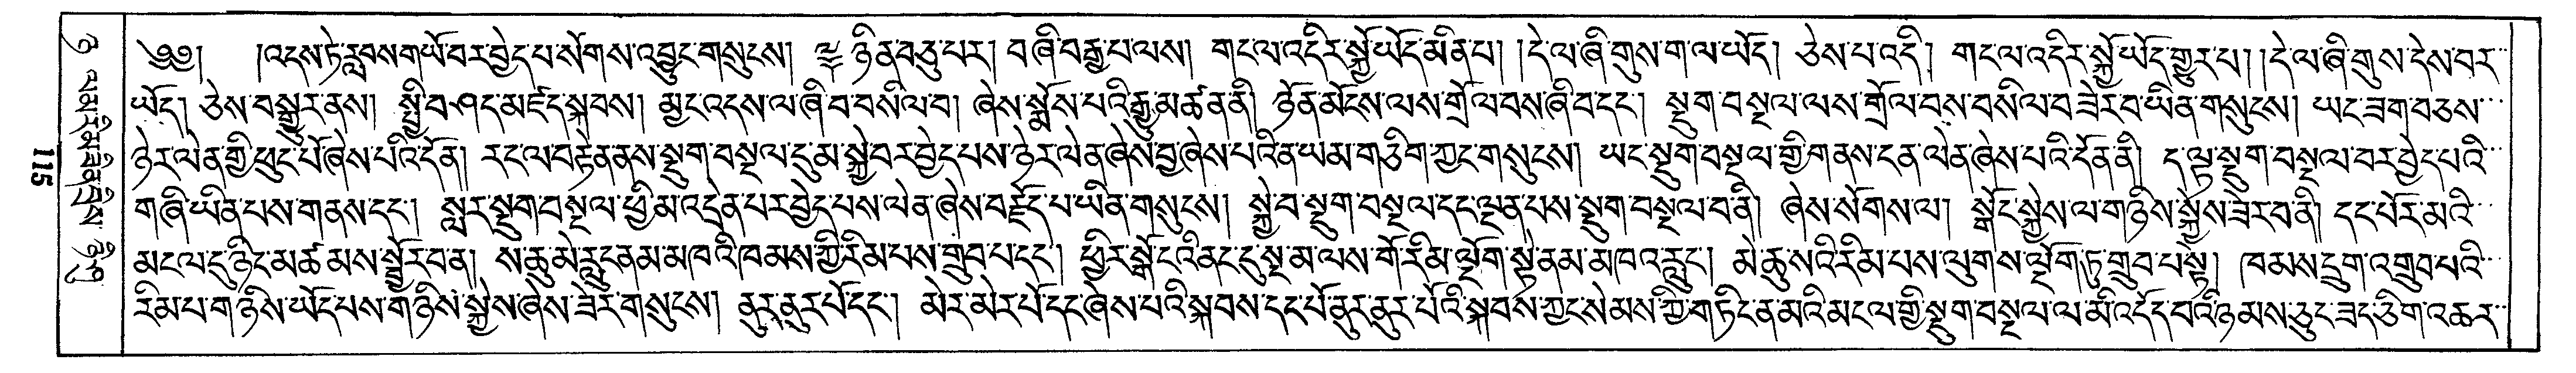༄༅། །འདས་ཏེ་རླབས་གཡོ་བར་བྱེད་བ་སོགས་འབྱུང་གསུངས། ༈ ཉིན་བཅུ་པར། བཞི་བརྒྱ་བ་ལས། གང་ལ་འདིར་སྐྱོ་ཡོད་མིན་ག །དེ་ལ་ཞི་གུས་ག་ལ་ཡོད། ཅེས་པ་འདི། གང་ལ་བདིར་སྐྱོ་ཡོད་གྱུར་པེ། །དེ་ལ་ཞི་གུས་ངེས་པར་
ཡོད། ཅེས་བསྒྱུར་ནས། སྤྱི་བཤད་མཛད་སྐབས། མྱང་འདས་ལ་ཞི་བ་བསིལ་བ། ཞེས་སྨོས་པའི་རྒྱུ་མཚན་ནི། ཉོན་མོངས་ལས་གྲོལ་བས་ཞི་བ་དང་། སྡུག་བསྔལ་ལས་གྲོལ་བས་བསིལ་བ་ཟེར་པ་ཡིན་གསུངས། ཡང་ཟག་བཅས་
ཉེར་ལེན་གྱི་ཕུང་པོ་ཞེས་པའི་དོན། རང་ལ་བརྟེན་ནས་སྡུག་བསྔལ་དུ་མ་སྐྱེ་བར་བྱེད་པས་ཉེར་ལེན་ཞེས་བྱ་ཞེས་པའི་ན་ཡམ་གཅིག་ཀྱང་གསུངས། ཡང་སྡུག་བསྔལ་གྱི་གནས་ངན་ལེན་ཞེས་པའི་དོན་ནི། ད་ལྟ་སྡུག་བསྔལ་བར་བྱེད་པའི་
གཞི་ཡིན་པས་གནས་དང་། སླར་སྡུག་བསྔལ་ཕྱི་མ་འདྲེན་པར་བྱེད་པས་ལེན་ཞེས་བརྗོད་པ་ཡིན་གསུངས། སྐྱེ་བ་སྡུག་བསྔལ་དང་ལྡན་པས་སྡུག་བསྔལ་བ་ནི། ཞེས་སོགས་ལ། སྒོང་སྐྱེས་ལ་གཉིས་སྐྱེས་ཟེར་བ་ནི། དང་པོར་མའི་
མངལ་དུ་ཉིང་མཚམས་སྦྱོར་བ་ན། ས་ཆུ་མེ་རླུང་ནམ་མཁའི་ཁམས་ཀྱི་རིམ་པས་གྲུབ་པ་དང་། ཕྱིར་སྒོ་ངའི་ནང་དུ་སྔ་མ་ལས་གོ་རིམ་ལྡོག་སྟེ་ནམ་མཁའ་རླུང་། མེ་ཆུ་སའི་རིམ་པས་ལུགས་ལྡོག་ཏུ་གྲུབ་པ་སྟེ། ཁམས་དྲུག་འགྲུབ་པའི་
རིམ་པ་གཉིས་ཡོད་པས་གཉིས་སྐྱེས་ཞེས་ཟེར་གསུངས། ནུར་ནུར་པོ་དང་། མེར་མེར་པོ་དང་ཞོས་པའི་སྐབས་དང་པོ་ནུར་ནུར་པོའི་སྐབས་ཀྱང་སེམས་ཀྱི་གཏིང་ན་མའི་མངལ་གྱི་སྡུག་བསྔལ་ལ་མི་འདོད་བའི་ཉམས་ཅུང་ཟད་ཅིག་འཆར་